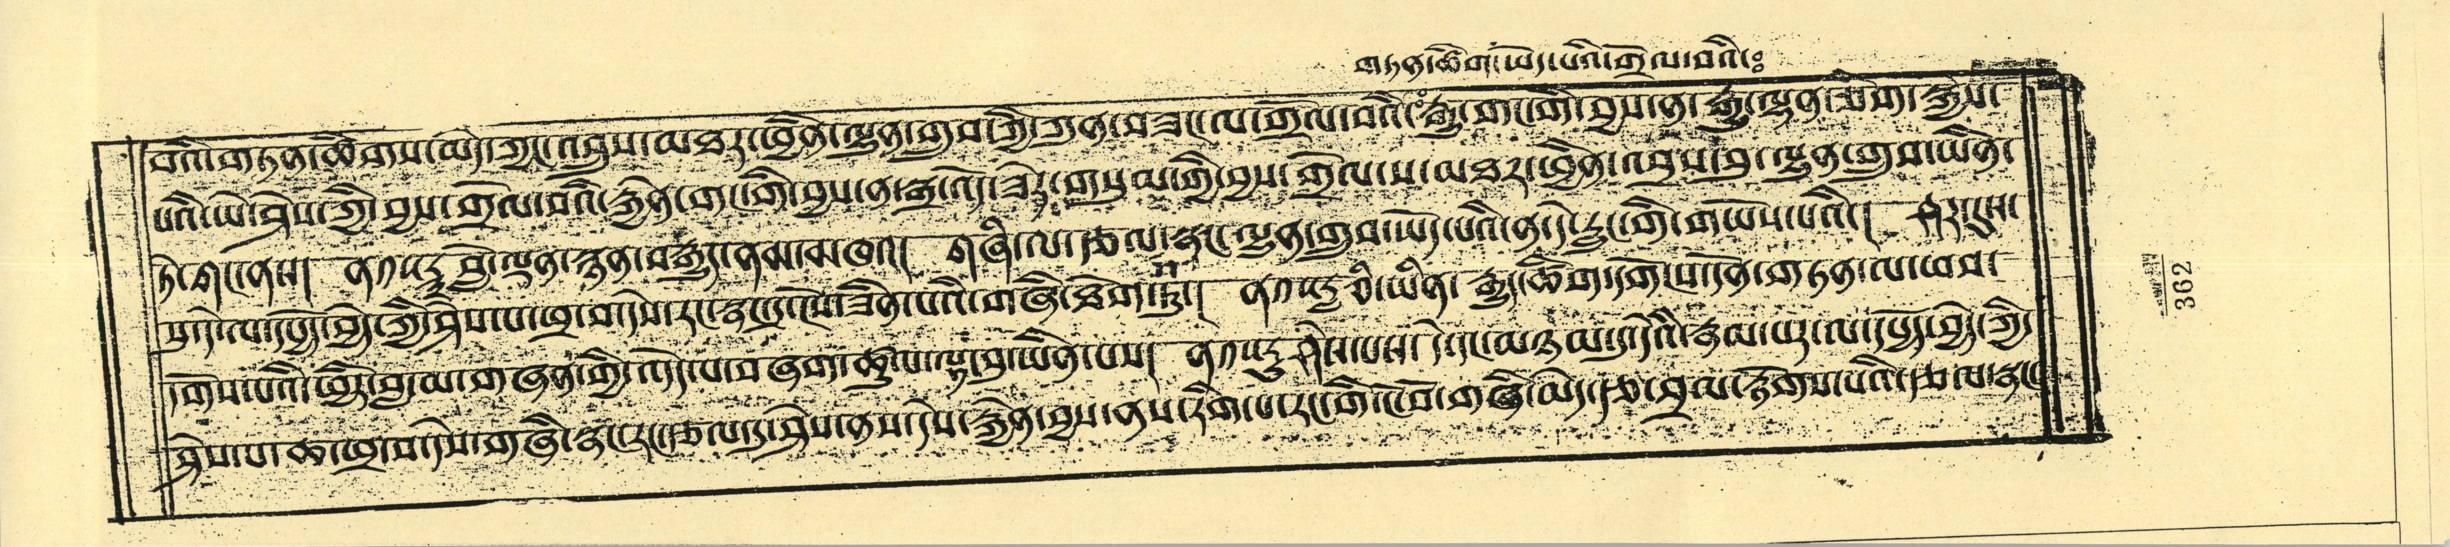བའི་གཏན་ཚིགས་མེད་ཀྱང་འབྲས་བུ་མཐར་ཕྱིན་ལྷུན་གྲུབ་ཀྱི་ཀུན་བཟང་ལ་གྲོལ་བའི་གཏན་ཚིག་ཡོད་པའི་གྲོལ་བའི་རྒྱུ་གང་གི་བྱས་ན་རྒྱུ་ལྷན་ཅིག་སྐྱེས་
པའི་ཡེ་ཤེས་ཀྱི་བྱས་གྲོལ་བའི་རྐྱེན་གང་གི་བྱས་ན་སྒྲ་འོད་ཟེར་གསུམ་གྱི་བྱས་གྲོལ་ས་མཐར་ཕྱིན་འབྲས་བུ་ལྷུན་གྲུབ་ཡིན་
ཏེ་ ༼གང་ནས།༽ན༡༥༨།༣ བློ་ལྡན་སྙན་བརྒྱུད་ ༼ནམ་མཁའ།༽ ༼གཞི་ལ་༽རྩལ་སྣང་ལྷུན་གྲུབ་ཡོད་པའི་ན་དེ་རླུང་གི་གཡོས་པའི། ༼ཤར་དུས་༽
སུ་དེ་ལ་དཔྱོད་བྱེད་ཀྱི་ཤེས་པ་ཕྲ་བ་དེས་རང་སྣང་དུ་ངོས་ཟིན་པའི་གཞི་ཐོག་ཏུ། ན༡༥༨།༤ ༼ཅི་ཡིན་༽རྒྱུད་ཚིག་དགོངས་དོན་གཏན་ལ་ཕབ་
དགོས་པའི་ཕྱིར་བླ་མ་གཞན་གྱི་འདོད་པ་བཞག་ཚུལ་ལྟ་བུ་ཡིན་པས། ན༡༥༨།༦ ༼ཤེས་པས་༽དེ་དང་མཉམ་དུ་དེའི་རྣམ་པར་ལ་དཔྱོད་བྱེད་ཀྱི་
ཤེས་པ་ཆ་ཕྲ་བ་དེས་གཞི་སྣང་རང་རྩལ་དུ་ཤེས་ནས་དེས་རྐྱེན་བྱས་ནས་རིག་པ་རང་གི་ངོ་བོ་གཞི་མེད་རྩ་བྲལ་རྟོགས་པའི་རྩལ་སྣང་